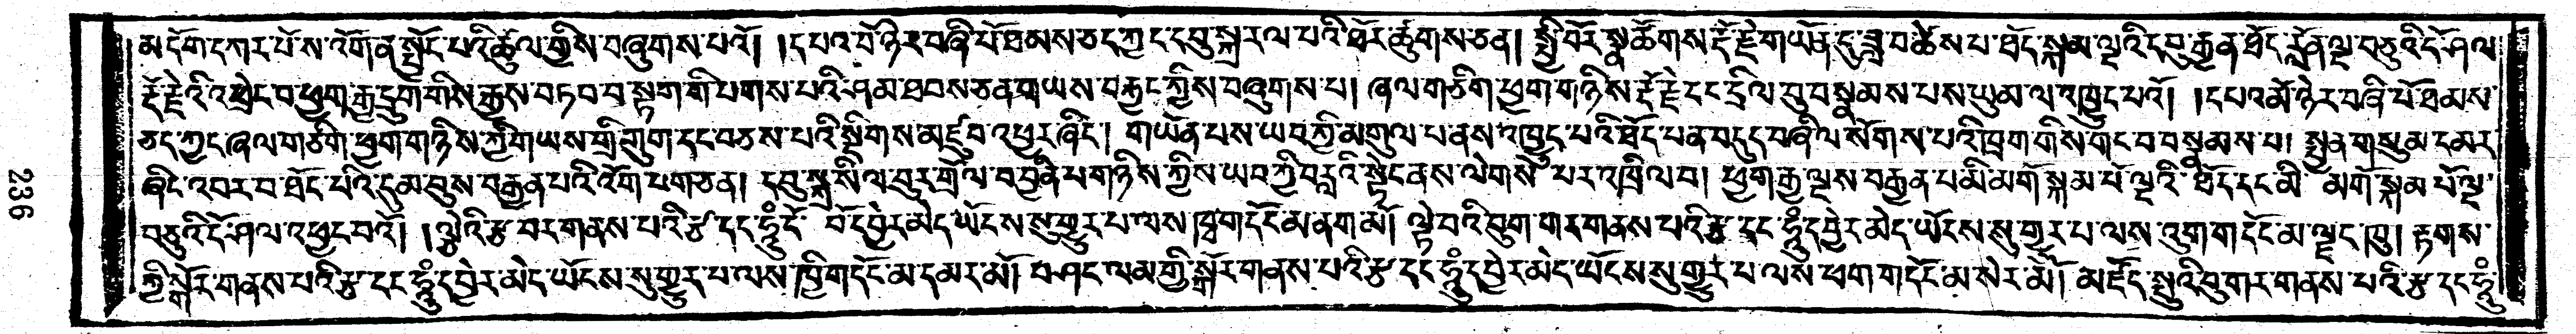མདོག་དཀར་པོ་ས་འོག་ན་སྤྱོད་པའི་ཚུལ་གྱིས་བཞུགས་པའོ། །དཔའ་པོ་ཉེར་བཞི་པོ་ཐམས་ཅད་ཀྱང་དབུ་སྐྲ་རལ་པའི་ཐོར་ཚུགས་ཅན། སྤྱི་བོར་སྣ་ཚོགས་རྡོ་རྗེ་གཡོན་དུ་ཟླ་བ་ཚེས་པ་ཐོད་སྐམ་ལྔའི་དབུ་རྒྱན་ཐོད་རློན་ལྔ་བཅུའི་དོ་ཤལ་
རྡོ་རྗེའི་འཕྲེང་བ་ཕྱག་རྒྱ་དྲུག་གིས་རྒྱས་བཏབ་བ་སྟག་གི་པགས་པའི་ཤམ་ཐབས་ཅན་གཡས་བརྐྱང་ཀྱིས་བཞུགས་པ། ཞལ་གཅིག་ཕྱག་གཉིས་རྡོ་རྗེ་དང་དྲིལ་བུ་བསྣམས་པས་ཡུམ་ལ་འཁྱུང་པའོ། །དཔའ་མོ་ཉེར་བཞི་པོ་ཐམས་
ཅད་ཀྱང་ཞལ་གཅིག་ཕྱག་གཉིས་ཀྱི་གཡས་གྲི་གུག་དང་བཅས་པའི་སྡིགས་མཛུབ་འཕྱར་ཞིང་། གཡོན་པས་ཡབ་ཀྱི་མགུལ་པ་ནས་འཁྱུད་པའི་ཐོད་པ་ན་བདུད་བཞི་ལ་སོགས་པའི་ཁྲག་གིས་གང་བ་བསྣམས་པ། སྤྱན་གསུམ་དམར་
ཞིང་འབར་བ་ཐོང་བའི་དུམ་བུས་བརྒྱན་པའི་འོག་པག་ཅན། དབུ་སྐྲ་སིལ་བུར་གྲོལ་བ་བྱིན་པ་གཉིས་ཀྱིས་ཡབ་ཀྱི་བརླའི་སྟེང་ནས་ལེགས་པར་འཁྲིལ་བ། ཕྱག་རྒྱ་ལྔས་བརྒྱན་པ་མི་མགོ་སྐམ་པོ་ལྔའི་ཐོད་དང་མི་མགོ་སྐམ་པོ་ལྔ་
བཅུའི་དོ་ཤལ་འཕྱང་བའོ། །ལྕེའི་རྩ་བར་གནས་པའི་རྩ་དང་ཧཱུཾ་དོ་བོ་དབྱེར་མེད་ཡོངས་སུ་གྱུར་པ་ལས་ཁྭ་གདོང་མ་ནག་མོ། ལྟེ་བའི་བུག་གར་གནས་པའི་རྩ་དང་ཧཱུཾ་དབྱེར་མེད་ཡོངས་སུ་གྱུར་པ་ལས་འུག་གདོང་མ་ལྗང་ཁུ། རྟགས་
ཀྱི་སྒོར་གནས་པའི་རྩ་དང་ཧཱུཾ་དབྱེར་མེད་ཡོངས་སུ་གྱུར་པ་ལས་ཁྱི་གདོང་མ་དམར་མོ། བཤང་ལམ་གྱི་སྒོར་གནས་པའི་རྩ་དང་ཧཱུཾ་དབྱེར་མེད་ཡོངས་སུ་གྱུར་པ་ལས་ཕག་གདོང་མ་སེར་མོ། མཛོད་སྤུའི་བུ་གར་གནས་པའི་རྩ་དང་ཧཱུཾ་